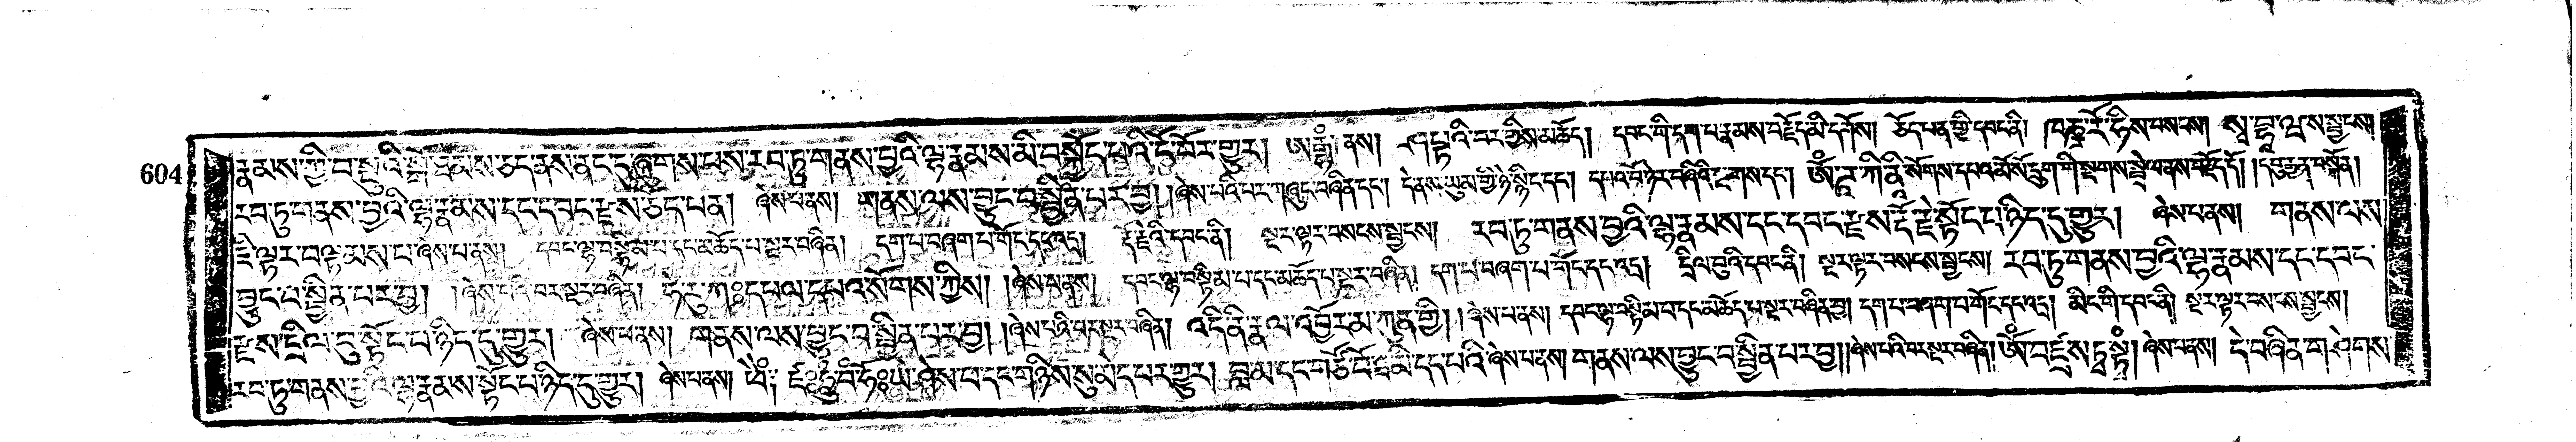རྣམས་ཀྱི་པ་སྤུའི་སྒོ་ཐམས་ཅད་ནས་ནང་དུ་ཞུགས་པས་རབ་ཏུ་གནས་བྱའི་ལྷ་རྣམས་མི་བསྐྱོད་པའི་ངོ་བོར་གྱུར། ཨརྒྷཾ་ནས།  ཤཔྟའི་བར་གྱིས་མཆོད། དབང་གི་དག་པ་རྣམས་བརྗོད་མི་དགོས། ཅོད་པན་གྱི་དབང་ནི།  ཁཎྜ་རོ་ཧིས་བསངས། སྭ་བྷཱ་ཝས་སྦྱངས།
རབ་ཏུ་གནས་བྱའི་ལྷ་རྣམས་དང་དབང་རྫས་ཅོད་པན། ཞེས་པ་ནས།  གནས་ལས་བྱུང་བ་སྦྱིན་པར་བྱ། །ཞེས་པའི་པར་གཞུང་བཞིན་དང་། དེ་ནས་ཡུམ་གྱི་ཉེ་སྙིང་དང་། དཔའ་བོ་ཉེར་བཞིའི་སྔགས་དང་།  ཨོཾ་ཌའ་ཀི་ནཱི་སོགས་དཔའ་མོ་སོ་དྲུག་གི་སྔགས་སྦྲེལ་ནས་བརྗོད་དོ། །དབུ་རྒྱན་བསྐོན།
ཇི་ལྟར་བལྟམས་པ་ཞེས་པ་ནས།  དབང་ལྷ་བསྟིམ་པ་དང་མཆོད་པ་སྔར་བཞིན། དག་པ་བཞག་པ་གོང་དང་འདྲ། རྡོ་རྗེའི་དབང་ནི། སྔར་ལྟར་བསངས་སྦྱངས། རབ་ཏུ་གནས་བྱའི་ལྷ་རྣམས་དང་དབང་རྫས་རྡོ་རྗེ་སྟོང་པ་ཉིད་དུ་གྱུར། ཞེས་པ་ནས།  གནས་ལས་
བྱུང་བ་སྦྱིན་པར་བྱ། །ཞེས་པའི་བར་སྔར་བཞིན།  ཧེ་རུ་ཀཿདཔལ་དཔའ་སོགས་ཀྱིས། །ཞེས་ལན།  དབང་ལྷ་བསྟིམ་པ་དང་མཆོད་པ་སྔར་བཞིན། དག་པ་བཞག་པ་གོང་དང་འདྲ། དྲིལ་བུའི་དབང་ནི། སྔར་ལྟར་བསངས་སྦྱངས། རབ་ཏུ་གནས་བྱའི་ལྷ་རྣམས་དང་དབང་
རྫས་དྲིལ་བུ་སྟོང་པ་ཉིད་དུ་གྱུར། ཞེས་པ་ནས།  གནས་ལས་བྱུང་བ་སྦྱིན་པར་བྱ། །ཞེས་པའི་བར་སྔར་བཞིན།  འདི་ནི་རྣལ་འབྱོར་མ་ཀུན་གྱི། ཞེས་པ་ནས། དབང་ལྷ་བསྟིམ་པ་དང་མཆོད་པ་སྔར་བཞིན་བྱ། དག་པ་བཞག་པ་གོང་དང་འདྲ། མིང་གི་དབང་ནི། སྔར་ལྟར་བསངས་སྦྱངས།
རབ་ཏུ་གནས་བྱའི་ལྷ་རྣམས་སྟོང་པ་ཉིད་དུ་གྱུར། ཞེས་པ་ནས།  ཕཻཾ༑ ཛཿཧཱུཾ་བཾ་ཧོཿཡེ་ཤེས་པ་དང་གཉིས་སུ་མེད་པར་གྱུར། བླ་མ་དང་གཙོ་བོ་ཐ་མི་དད་པའི་ཞེས་པ་ནས།  གནས་ལས་བྱུང་བ་སྦྱིན་པར་བྱ། །ཞེས་པའི་བར་སྔར་བཞིན།  ཨོཾ་བཛྲ་སཏྭ་སྟྭཾ། ཞེས་པ་ནས།  དེ་བཞིན་གཤེགས་